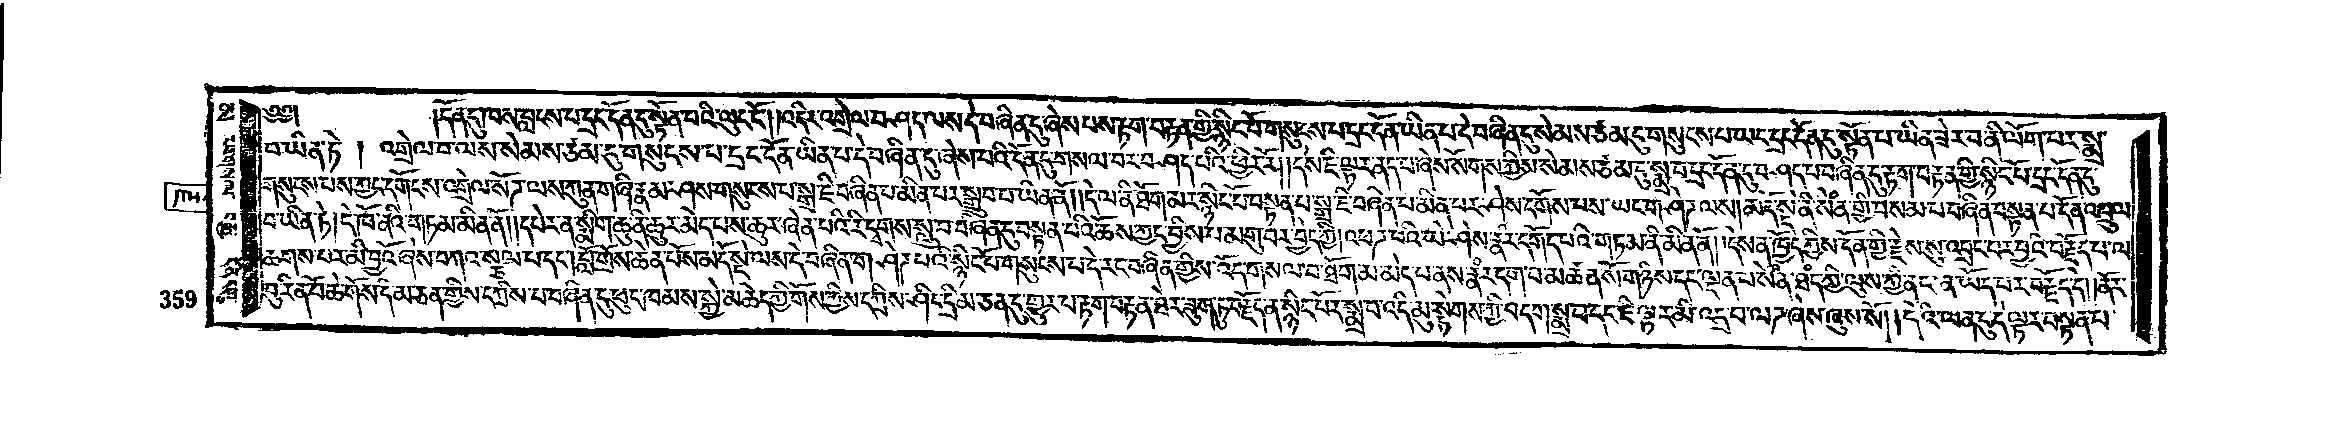༄༅། །དོན་དུ་ཁས་བླངས་པ་དྲང་དོན་དུ་སྟོན་པའི་ལུང་ངོ། །འདིར་འགྲེལ་བཤད་ལས་དེ་བཞིན་དུ་ཞེས་པས་རྟག་བརྟན་གྱི་སྙིང་པོ་གསུངས་པ་དྲང་དོན་ཡིན་པ་དེ་བཞིན་དུ་སེམས་ཙམ་དུ་གསུངས་པ་ཡང་དྲང་དོན་དུ་སྟོན་པ་ཡིན་ཟེར་བ་ནི་ལོག་པར་སྨྲ་
བ་ཡིན་ཏེ། འགྲེལ་བ་ལས་སེམས་ཙམ་དུ་གསུངས་པ་དྲང་དོན་ཡིན་པ་དེ་བཞིན་དུ་ཞེས་པའི་དོན་དུ་གསལ་བར་བཤད་པའི་ཕྱིར་རོ། །དེས་ཇི་ལྟར་ནད་པ་ཞེས་སོགས་ཀྱིས་སེམས་ཙམ་དུ་སྨྲ་བ་དྲང་དོན་དུ་བཤད་པ་བཞིན་དུ་རྟག་བརྟན་གྱི་སྙིང་པོ་དྲང་དོན་དུ་
གསུངས་པས་ཀྱང་དགོངས་འགྲེལ་སོགས་ལས་ཀུན་གཞི་རྣམ་ཤེས་གསུངས་པ་སྒྲ་ཇི་བཞིན་པ་མིན་པར་སྒྲུབ་པ་ཡིན་ནོ། །དེ་ལ་ནི་ཐོག་མར་སྙིང་པོ་བསྟན་པ་སྒྲ་ཇི་བཞིན་པ་མིན་པར་ཤེས་དགོས་པས་ལང་གཤེགས་ལས། མདོ་སྡེ་ནི་སེམས་ཅན་གྱི་བསམ་པ་བཞིན་བསྟན་པ་དོན་འཁྲུལ་
བ་ཡིན་ཏེ། དེ་ཁོ་ནའི་གཏམ་མིན་ནོ། །དཔེར་ན་སྨིག་ཆུ་ནི་ཆུར་མེད་པས་ཆུར་ཞེན་པའི་རི་དྭགས་སླུ་བ་བཞིན་དུ་བསྟན་པའི་ཆོས་ཀྱང་བྱིས་པ་མགུ་བར་བྱེད་ཀྱི། འཕགས་པའི་ཡེ་ཤེས་རྣམ་པར་དགོད་པའི་གཏམ་ནི་མིན་ནོ། །དེས་ན་ཁྱོད་ཀྱིས་དོན་གྱི་རྗེས་སུ་འབྲང་བར་བྱའི་བརྗོད་པ་ལ་
ཆགས་པར་མི་བྱའོ་ཞེས་བཀའ་སྩལ་པ་དང་། བློ་གྲོས་ཆེན་པོས་མདོ་སྡེ་ལས་དེ་བཞིན་གཤེགས་པའི་སྙིང་པོ་གསུངས་པ་དེ་རང་བཞིན་གྱིས་འོད་གསལ་བ་ཐོག་མ་མེད་པ་ནས་རྣམ་པར་དག་བ་མཚན་སོ་གཉིས་དང་ལྡན་པ་སེམས་ཅན་ཐམས་ཅད་ཀྱི་ལུས་ཀྱི་ནང་ན་ཡོད་པར་བརྗོད་དེ། །ནོར་
བུ་རིན་པོ་ཆེ་གོས་དྲི་མ་ཅན་གྱིས་དཀྲིས་པ་བཞིན་དུ་ཕུང་ཁམས་སྐྱེ་མཆེད་ཀྱི་གོས་ཀྱིས་དཀྲིས་ཤིང་དྲི་མ་ཅན་དུ་གྱུར་པ་རྟག་བརྟན་ཐེར་ཟུག་ཏུ་བརྗོད་ན་སྙིང་པོར་སྨྲ་བ་འདི་མུ་སྟེགས་ཀྱི་བདག་སྨྲ་བ་དང་ཇི་ལྟར་མི་འདྲ་བ་ལགས་ཞེས་ཞུས་སོ། །དེའི་ལན་དུ་དེ་ལྟར་བསྟན་པ་